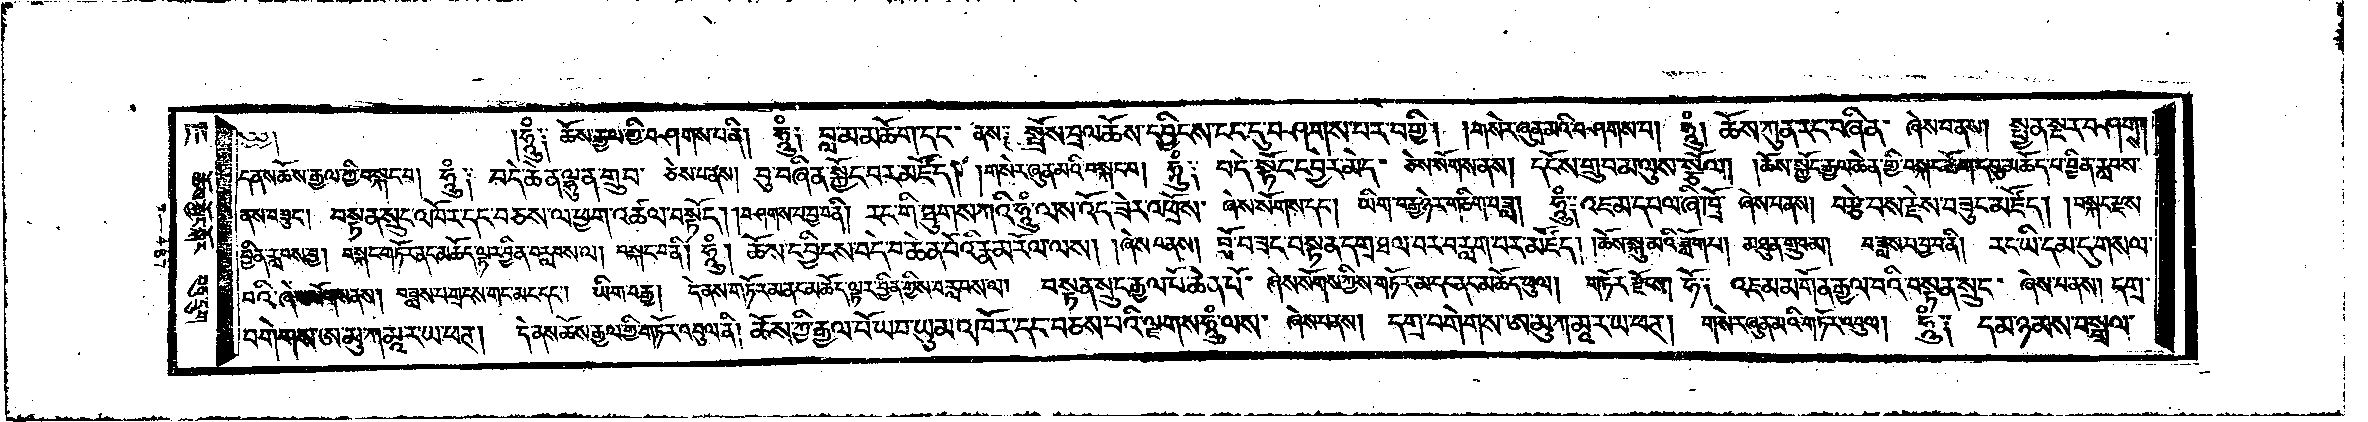༄༅། །ཧཱུཾ༑ ཆོས་རྒྱལ་གྱི་བཤགས་པ་ནི།  ཧཱུཾ༑ བླ་མ་མཆོག་དང་ནས༑  སྤྲོས་བྲལ་ཆོས་དབྱིངས་ངང་དུ་བཤགས་བར་བགྱི། །གསེར་ཞུན་མའི་བཤགས་པ།  ཧཱུཾ༑ ཆོས་ཀུན་རང་བཞིན་ཞེས་བ་ནས།  སྤྱན་སྔར་བཤགས།
ད་ནས་ཆོས་རྒྱལ་གྱི་བསྐང་བ།  ཧཱུཾ༑ བདེ་ཆེན་ལྷུན་གྲུབ་ཅེས་པ་ནས།  བུ་བཞིན་སྐྱོང་བར་མཛོད། །གསེར་ཞུན་མའི་བསྐང་བ།  ཧཱུཾ༑ བདེ་སྟོང་དབྱེར་མེད་ཅེས་སོགས་ནས།  དངོས་གྲུབ་མ་ལུས་སྩོལ། །ཆོས་སྐྱོང་རྒྱལ་ཆེན་གྱི་བསྐང་ཆོག་དབུ་མཆོད་པ་བྱིན་རླབས་
ནས་བཟུང་། བསྟན་སྲུང་འཁོར་དང་བཅས་ལ་ཕྱག་འཚལ་བསྟོད། །བཤགས་པ་བྱ་བ་ནི།  རང་གི་ཐུགས་ཀའི་ཧཱུཾ་ལས་འོད་ཟེར་འཕྲོས་ཞེས་སོགས་དང་། ཡིག་བརྒྱ་ཉེར་གཅིག་བཟླ།  ཧཱུཾ༑ འཇམ་དཔལ་ཞི་ཁྲོ་ཞེས་བ་ནས།  བརྩེ་བས་རྗེས་བཟུང་མཛོད། །བསྐང་རྫས་
བྱིན་རླབས་བྱ། བསྐང་གཏོར་ནང་མཆོད་ལྟར་བྱིན་བརླབས་ལ། བསྐད་བ་ནི། ཧཱུཾ། ཆོས་དབྱིངས་བདེ་བ་ཆེན་བོའི་རྣམ་རོལ་ལས། །ཞེས་པ་ནས།  བློ་བཟང་བསྟན་དགྲ་ཐལ་བར་བརླག་བར་མཛོད། །ཆོས་སྐུ་མའི་ཟློག་པ། མཐུན་གྲུབ་མ། བཟླས་པ་བྱ་བ་ནི།  རང་ཡི་དམ་དུ་གསལ་
བའི་ཞེས་སོགས་ནས། བཟླས་པ་གྲངས་གང་མང་དང་། ཡིག་བརྒྱ། དེ་ནས་གཏོར་མ་ནང་མཆོད་ལྟར་བྱིན་གྱིས་བརླབས་ལ། བསྟན་སྲུང་རྒྱལ་པོ་ཆེན་པོ་ཞེས་སོགས་ཀྱིས་གཏོར་མ་དང་ནང་མཆོད་ཕུལ། གཏོར་རྫོས།  ཧོ༑ འཇམ་མགོན་རྒྱལ་བའི་བསྟན་སྲུང་། ཞེས་པ་ནས།  དགྲ་
བགེགས་ཨ་མུ་ཀ་མཱར་ཡ་ཕཊ། དེ་ནས་ཆོས་རྒྱལ་གྱི་གཏོར་འབུལ་ནི།  ཆོས་ཀྱི་རྒྱལ་པོ་ཡབ་ཡུམ་འཁོར་དང་བཅས་པའི་ལྗགས་ཧཱུཾ་ལས་ཞེས་བ་ནས།  དགྲ་བགེགས་ཨ་མུ་ག་མཱརའ་ཡ་ཕཊ། གསེར་ཞུན་མའི་གཏོར་འབུལ།  ཧཱུཾ༑ དམ་ཉམས་བསྒྲལ་